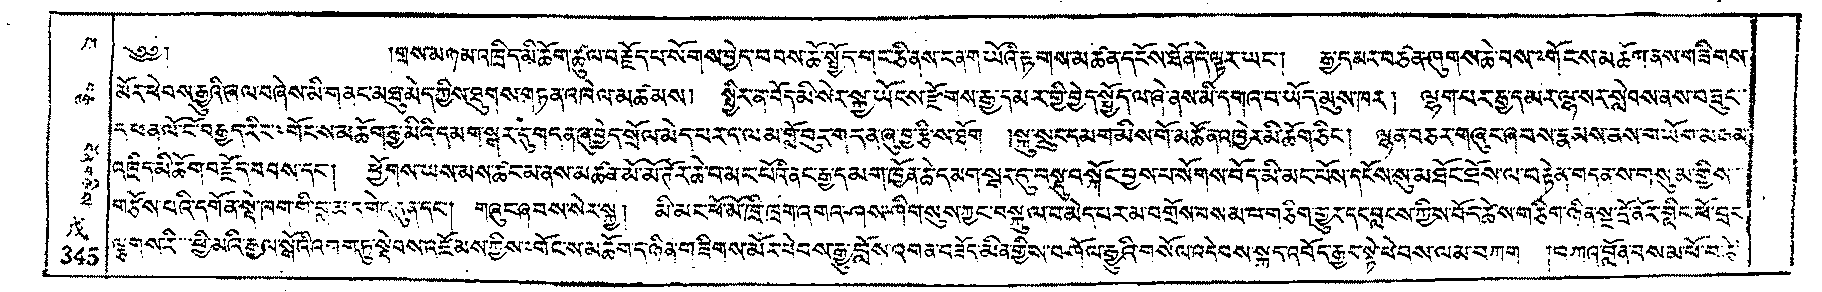༄༅། །གྲས་མཉམ་འཁྲིད་མི་ཆོག་ཚུལ་བརྗོད་པ་སོགས་བྱེད་བབས་ཆོ་སྤྱོད་གང་ཅི་ནས་ངན་གཡོའི་རྟགས་མཚན་དངོས་ཐོན་དེ་ལྟར་ཡང་། རྒྱ་དམར་བཙན་ཤུགས་ཆེ་བས་༧གོང་ས་མཆོག་ནས་གཟིགས་
མོར་ཕེབས་རྒྱུའི་ཞལ་བཞེས་མི་གནང་མཐུ་མེད་ཀྱིས་ཐུགས་གཏན་འཁེལ་མཚམས། སྤྱིར་ན་བོད་མི་སེར་སྐྱ་ཡོངས་རྫོགས་རྒྱ་དམར་གྱི་བྱེད་སྤྱོད་ལ་ཞེ་ནས་མི་དགའ་བ་ཡོད་མུས་ཁར། ལྷག་པར་རྒྱ་དམར་ལྷ་སར་སླེབས་ནས་བཟུང་
ད་ཕན་ལོ་ངོ་བརྒྱད་རིང་༧གོང་ས་མཆོག་རྒྱ་མིའི་དམག་སྒར་དུ་གདན་ཞུ་བྱེད་སྲོལ་མེད་པར་ད་ལམ་གློ་བུར་གདན་ཞུ་བྱ་རྩིས་ཐོག །སྐུ་སྲུང་དམག་མིས་གོ་མཚོན་འཁྱེར་མི་ཆོག་ཅིང་། ལྷན་བཅར་གཞུང་ཞབས་རྣམས་ནས་གཡོག་མཉམ་
འཁྲིད་མི་ཆོག་བརྗོད་བབས་དང་། ཕྱོགས་ཡས་མས་ཚང་མ་ནས་མཚན་མོ་མོ་ཊོར་ཆེ་བ་མང་པོའི་ནང་རྒྱ་དམག་ཁྱོན་ཆེ་དམག་སྒར་དུ་བསྡུ་བསྐོང་བྱས་པ་སོགས་བོད་མི་མང་པོས་དངོས་སུ་མཐོང་ཐོས་ལ་བརྟེན་གདན་ས་གསུམ་གྱིས་
གཙོས་པའི་དགོན་སྡེ་ཁག་གི་བླ་མ་དགེ་འདུན་དང་། གཞུང་ཞབས་སེར་སྐྱ། མི་མང་ཕོ་མོ་ཁྲི་ཁྲག་འགའ་ཤས་ཤིག་སུས་ཀྱང་བསྐུལ་བ་མེད་པར་མ་བགྲོས་བསམ་པ་གཅིག་གྱུར་དང་བླངས་ཀྱིས་བོད་ཚེས་གཅིག་ཉིན་སྔ་དྲོ་ནོར་གླིང་ཕོ་བྲང་
ལྕགས་རི་ཕྱི་མའི་རྒྱལ་སྒོའི་འགག་ཏུ་སྡེབས་འཛོམས་ཀྱིས་༧གོང་ས་མཆོག་ད་ཉིན་གཟིགས་མོར་ཕེབས་རྒྱུ་བློས་འགན་བཟོད་མིན་གྱིས་བཤོལ་རྒྱུའི་གསོལ་འདེབས་སྐད་འབོད་རྒྱབ་སྟེ་ཕེབས་ལམ་བཀག །བཀའ་བློན་བསམ་ཕོ་བ་ཆེ་